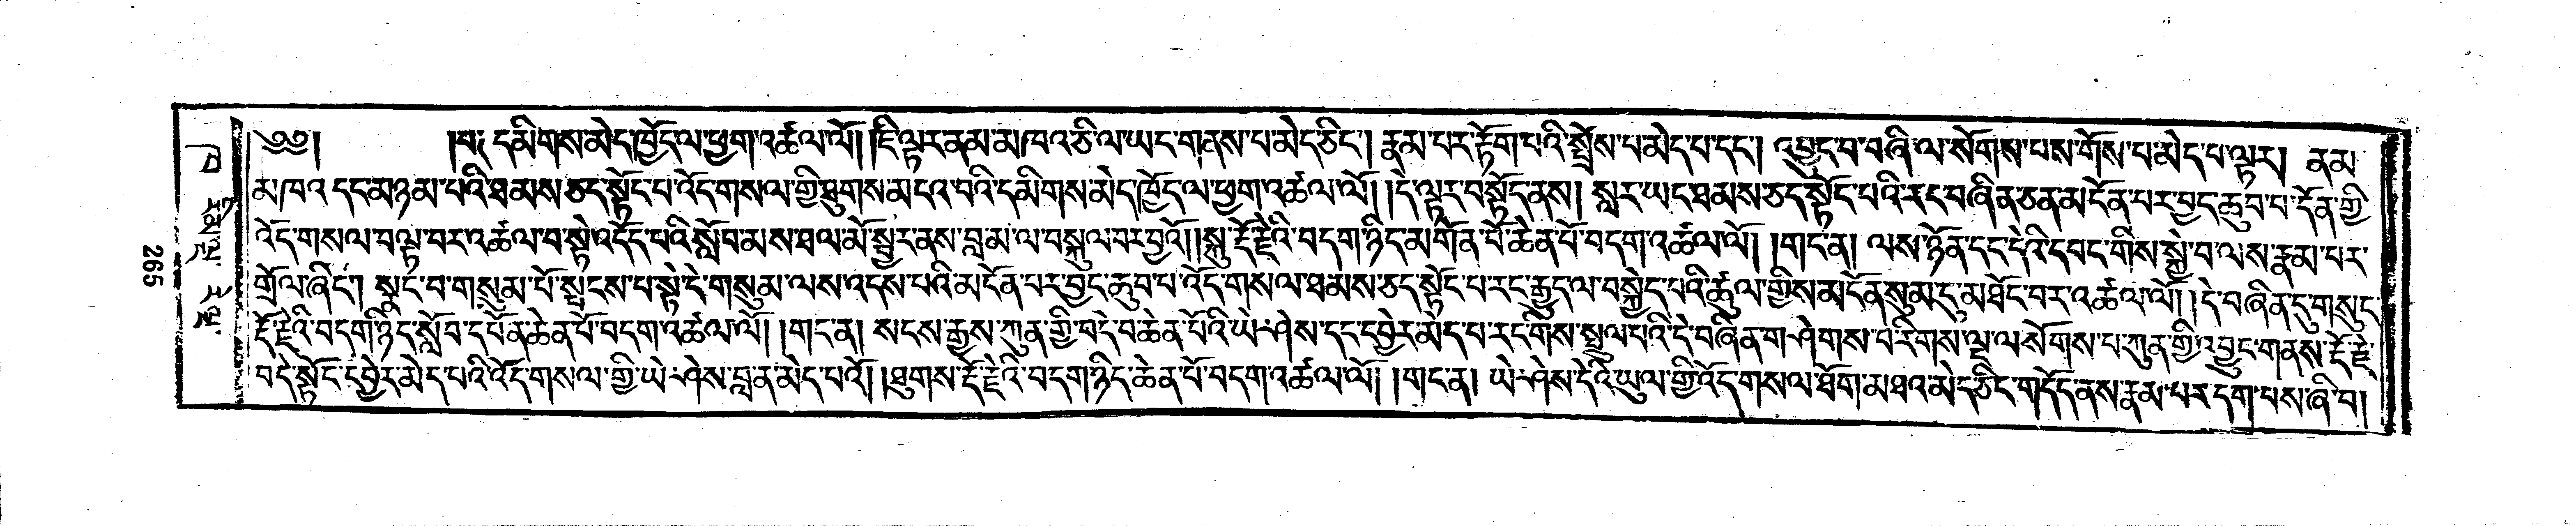༄༅། །བ། དམིགས་མེད་ཁྱོད་ལ་ཕྱག་འཚལ་ལོ། །ཇི་ལྟར་ནམ་མཁའ་ཅི་ལ་ཡང་གནས་པ་མེད་ཅིང་། རྣམ་པར་རྟོག་པའི་སྤྲོས་པ་མེད་པ་དང་། འབྱུང་བ་བཞི་ལ་སོགས་པས་གོས་པ་མེད་པ་ལྟར། ནམ་
མཁའ་དང་མཉམ་པའི་ཐམས་ཅད་སྟོང་པ་འོད་གསལ་གྱི་ཐུགས་མངའ་བའི་དམིགས་མེད་ཁྱོད་ལ་ཕྱག་འཚལ་ལོ། །དེ་ལྟར་བསྟོད་ནས། སླར་ཡང་ཐམས་ཅད་སྟོང་པའི་རང་བཞིན་ཅན་མངོན་པར་བྱང་ཆུབ་པ་དོན་གྱི་
འོད་གསལ་བལྟ་བར་འཚལ་བ་སྟེ་འདོད་པའི་སློབ་མས་ཐལ་མོ་སྦྱར་ནས་བླ་མ་ལ་བསྐུལ་བར་བྱའོ། །སྐུ་རྡོ་རྗེའི་བདག་ཉིད་མགོན་པོ་ཆེན་པོ་བདག་འཚལ་ལོ། །གང་ན། ལས་ཉོན་དང་དེའི་དབང་གིས་སྐྱེ་བ་ལས་རྣམ་པར་
གྲོལ་ཞིང་། སྣང་བ་གསུམ་པོ་སྤངས་པ་སྟེ་དེ་གསུམ་ལས་འདས་པའི་མངོན་པར་བྱང་ཆུབ་པ་འོད་གསལ་ཐམས་ཅད་སྟོང་པ་རང་རྒྱུད་ལ་བསྐྱེད་པའི་ཚུལ་གྱིས་མངོན་སུམ་དུ་མཐོང་བར་འཚལ་ལོ། །དེ་བཞིན་དུ་གསུང་
རྡོ་རྗེའི་བདག་ཉིད་སློབ་དཔོན་ཆེན་པོ་བདག་འཚལ་ལོ། །གང་ན། སངས་རྒྱས་ཀུན་གྱི་བདེ་བ་ཆེན་པོའི་ཡེ་ཤེས་དང་དབྱེར་མེད་པ་རང་གིས་སྦྲུལ་པའི་དེ་བཞིན་གཤེགས་པ་རིགས་ལྔ་ལ་སོགས་པ་ཀུན་གྱི་འབྱུང་གནས་རྡོ་རྗེ་
བདེ་སྟོང་དབྱེར་མེད་པའི་འོད་གསལ་གྱི་ཡེ་ཤེས་བླ་ན་མེད་པའོ། །ཐུགས་རྡོ་རྗེའི་བདག་ཉིད་ཆེན་པོ་བདག་འཚལ་ལོ། །གང་ན། ཡེ་ཤེས་དེའི་ཡུལ་གྱི་འོད་གསལ་ཐོག་མཐའ་མེད་ཅིང་གདོད་ནས་རྣམ་པར་དག་པས་ཞི་བ།